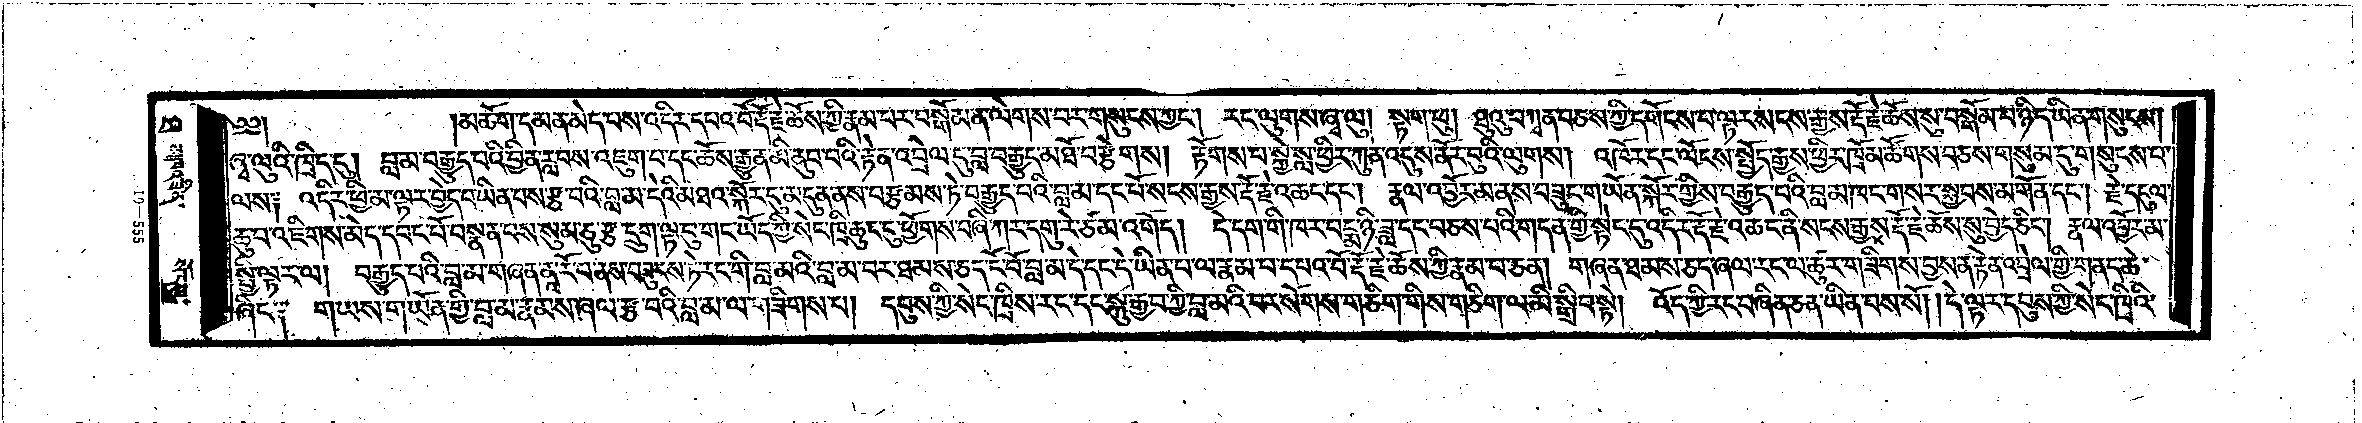༄༅། །མཆོག་དམན་མེད་པས་འདིར་དཔའ་བོ་རྡོ་རྗེ་ཆོས་ཀྱི་རྣམ་པར་བསྒོམ་ན་ལེགས་པར་གསུངས་ཀྱང་། རང་ལུགས་ཞྭ་ལུ། སྟག་ཕུ། ཐུའུ་བཀྭན་བཅས་ཀྱི་དགོངས་པ་ལྟར་སངས་རྒྱས་རྡོ་རྗེ་ཆོས་སུ་བསྒོམ་པ་ཉིད་ཡིན་གསུངས།
ཞྭ་ལུའི་ཁྲིད་དུ། བླ་མ་བརྒྱུད་པའི་བྱིན་རླབས་འཇུག་པ་དང་ཆོས་རྒྱུན་མི་ནུབ་པའི་རྟེན་འབྲེལ་དུ་བླ་བརྒྱུད་མཐོ་བ་རྩེགས། རྟོགས་པ་སྐྱེ་སླ་ཕྱིར་ཀུན་འདུས་ནོར་བུའི་ལུགས། འཁོར་དང་ལོངས་སྤྱོད་རྒྱས་ཕྱིར་ཁྲོམ་ཚོགས་བཅས་གསུམ་དུ་གསུངས་པ་
ལས༑ འདིར་ཕྱི་མ་ལྟར་བྱེད་པ་ཡིན་པས་རྩ་བའི་བླ་མ་དེའི་མཐའ་སྐོར་དུ་མདུན་ནས་བརྩམས་ཏེ་བརྒྱུད་པའི་བླ་མ་དང་པོ་སངས་རྒྱས་རྡོ་རྗེ་འཆང་དང་། རྣལ་འབྱོར་མ་ནས་བཟུང་གཡོན་སྐོར་གྱིས་བརྒྱུད་པའི་བླ་མ་ཁང་གསར་སྐྱབས་མགོན་དང་། རྗེ་དངུལ་
ཆུ་བ་འཇིགས་མེད་དབང་པོ་བསྣན་པས་སུམ་ཅུ་རྩ་དྲུག་ལྟ་བུ་གང་ཡོད་ཀྱི་སེང་ཁྲི་ཆུང་ངུ་ཕྱོགས་བཞི་ཀར་དགུ་རེ་ཙམ་འགོད། དེ་དག་གི་ཁར་པདམ་ཉི་ཟླ་དང་བཅས་པའི་གདན་གྱི་སྟེང་དུ་འདིར་རྡོ་རྗེ་འཆང་ནི་སངས་རྒྱས་རྡོ་རྗེ་ཆོས་སུ་བྱེད་ཅིང་། རྣལ་འབྱོར་མ་
སྤྱི་ལྟར་ལ། བརྒྱུད་པའི་བླ་མ་གཞན་ནཱ་རོ་པ་ནས་བཟུངས་ཏེ་རང་གི་བླ་མའི་བླ་མ་བར་ཐམས་ཅད་ངོ་བོ་བླ་མ་དེ་དང་དེ་ཡིན་པ་ལ་རྣམ་པ་དཔའ་བོ་རྡོ་རྗེ་ཆོས་ཀྱི་རྣམ་པ་ཅན། གཞན་ཐམས་ཅད་ཞལ་རང་ལ་ཚུར་གཟིགས་བྱས་ན་རྟེན་འབྲེལ་གྱི་གནད་ཆེ་
ཞིང༑ གཡས་གཡོན་གྱི་བླ་མ་རྣམས་ཞལ་རྩ་བའི་བླ་མ་ལ་གཟིགས་པ། དབུས་ཀྱི་སེང་ཁྲིས་རང་དང་སྐུ་རྒྱབ་ཀྱི་བླ་མའི་བར་སོགས་གཅིག་གིས་གཅིག་ལ་མི་སྒྲིབ་སྟེ། འོད་ཀྱི་རང་བཞིན་ཅན་ཡིན་པས་སོ། །དེ་ལྟར་དབུས་ཀྱི་སེང་ཁྲིའི་